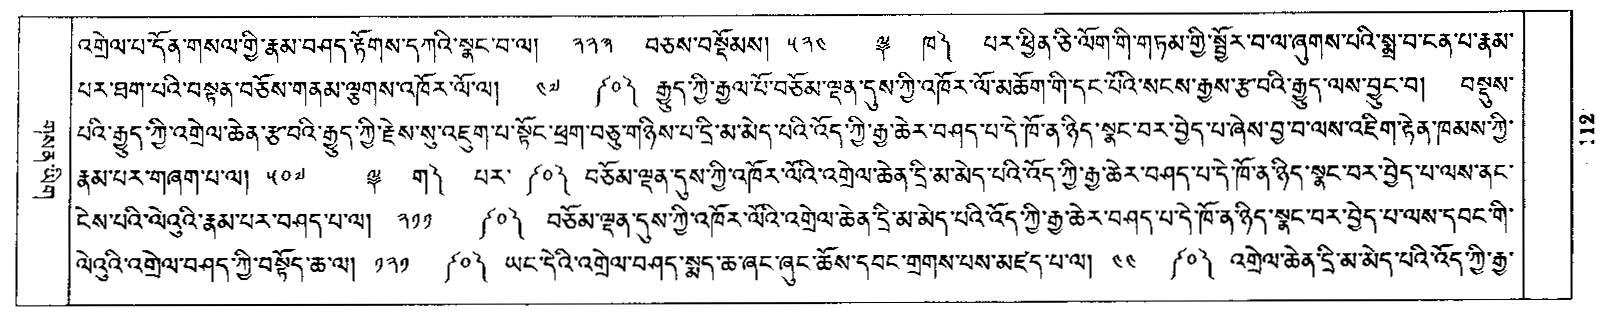འགྲེལ་པ་དོན་གསལ་གྱི་རྣམ་བཤད་རྟོགས་དཀའི་སྣང་བ་ལ། ༢༢༣་བཅས་བསྡོམས། ༥༢༤་༈ ཁ་པར་ཕྱིན་ཅི་ལོག་གི་གཏམ་གྱི་སྦྱོར་བ་ལ་ཞུགས་པའི་སྨྲ་བ་ངན་པ་རྣམ་
པར་ཐག་པའི་བསྟན་བཅོས་གནམ་ལྕགས་འཁོར་ལོ་ལ། ༤༧་?༠་རྒྱུད་ཀྱི་རྒྱལ་པོ་བཅོམ་ལྡན་དུས་ཀྱི་འཁོར་ལོ་མཆོག་གི་དང་པོའི་སངས་རྒྱས་རྩ་བའི་རྒྱུད་ལས་བྱུང་བ། བསྡུས་
པའི་རྒྱུད་ཀྱི་འགྲེལ་ཆེན་རྩ་བའི་རྒྱུད་ཀྱི་རྗེས་སུ་འཇུག་པ་སྟོང་ཕྲག་བཅུ་གཉིས་པ་དྲི་མ་མེད་པའི་འོད་ཀྱི་རྒྱ་ཆེར་བཤད་པ་དེ་ཁོ་ན་ཉིད་སྣང་བར་བྱེད་པ་ཞེས་བྱ་བ་ལས་འཇིག་རྟེན་ཁམས་ཀྱི་
རྣམ་པར་གཞག་པ་ལ། ༥༠༧་༈ ག༼་པར་?༠༽ བཅོམ་ལྡན་དུས་ཀྱི་འཁོར་ལོའི་འགྲེལ་ཆེན་དྲི་མ་མེད་པའི་འོད་ཀྱི་རྒྱ་ཆེར་བཤད་པ་དེ་ཁོ་ན་ཉིད་སྣང་བར་བྱེད་པ་ལས་ནང་
ངེས་པའི་ལེའུའི་རྣམ་པར་བཤད་པ་ལ། ༢༡༡་?༠་བཅོམ་ལྡན་དུས་ཀྱི་འཁོར་ལོའི་འགྲེལ་ཆེན་དྲི་མ་མེད་པའི་འོད་ཀྱི་རྒྱ་ཆེར་བཤད་པ་དེ་ཁོ་ན་ཉིད་སྣང་བར་བྱེད་པ་ལས་དབང་གི་
ལེའུའི་འགྲེལ་བཤད་ཀྱི་བསྟོད་ཆ་ལ། ༡༢༡་?༠༼་ཡང་དེའི་འགྲེལ་བཤད་སྨད་ཆ་ཞང་ཞུང་ཆོས་དབང་གྲགས་པས་མཛད་པ་ལ། ༤༤་?༠༽ འགྲེལ་ཆེན་དྲི་མ་མེད་པའི་འོད་ཀྱི་རྒྱ་